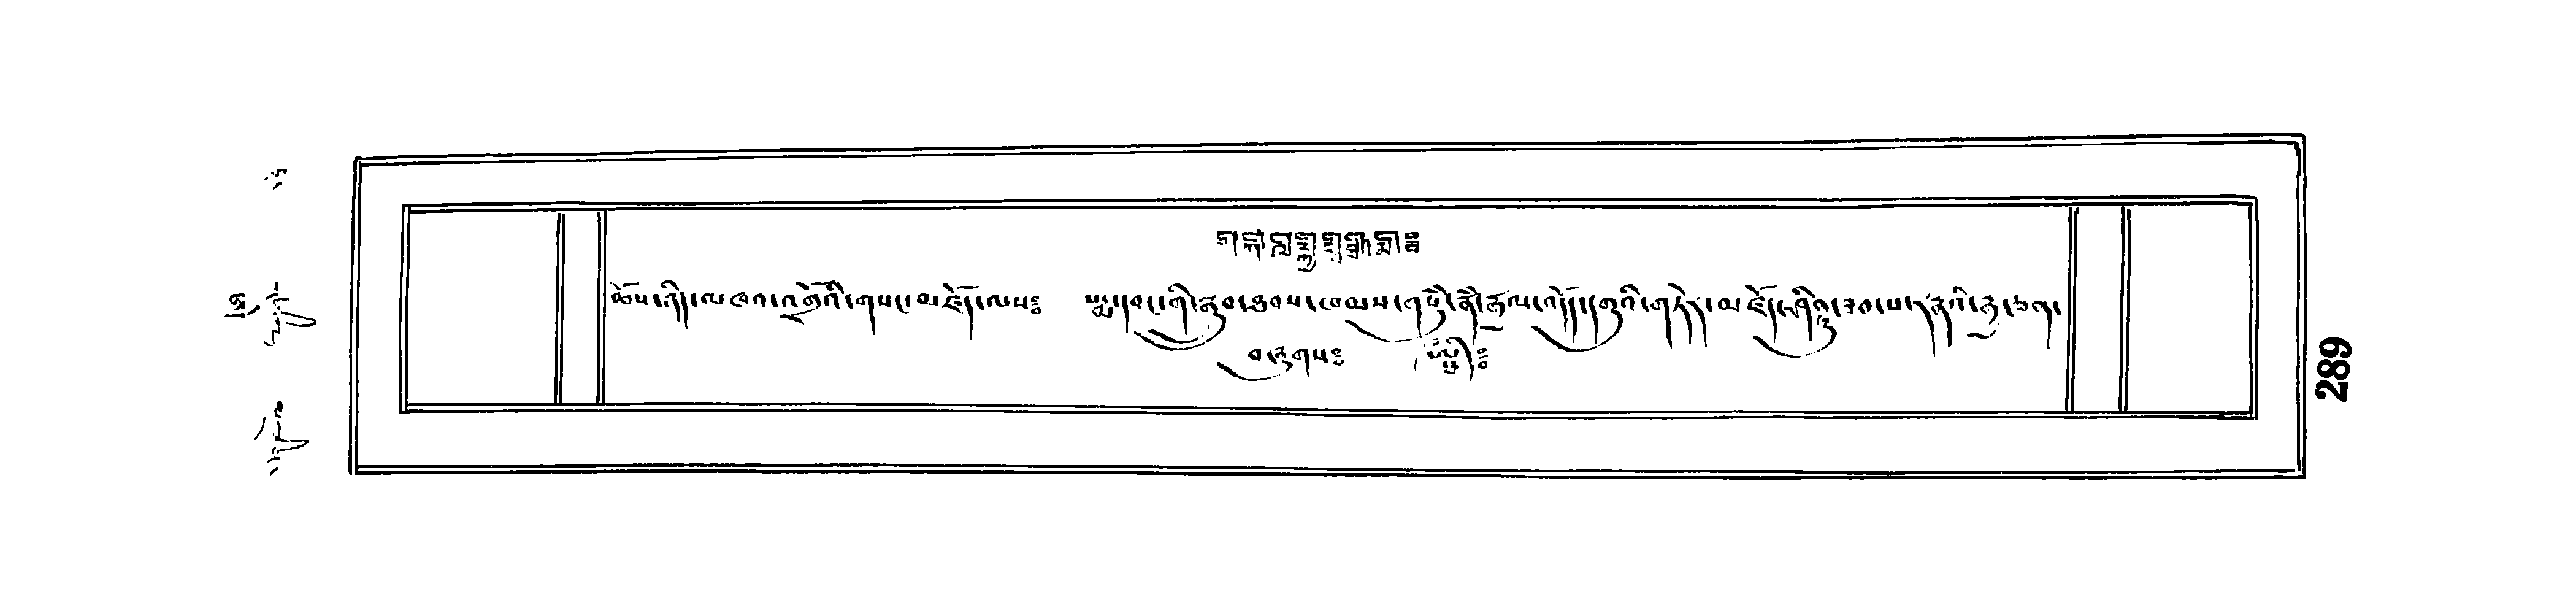ཆོས་ཉིད་མཁའ་འགྲོའི་གསང་མཛོད་ལས༔ པདྨ་དབང་གི་སྒྲུབ་ཐབས་ཁམས་གསུམ་རྣམ་རྒྱལ་འདོད་དགུའི་གཏེར་མཛོད་ཤིན་ཏུ་ཟབ་པ་རཏྣའི་རྒྱ་ཅན་
བཞུགས༔ ༔